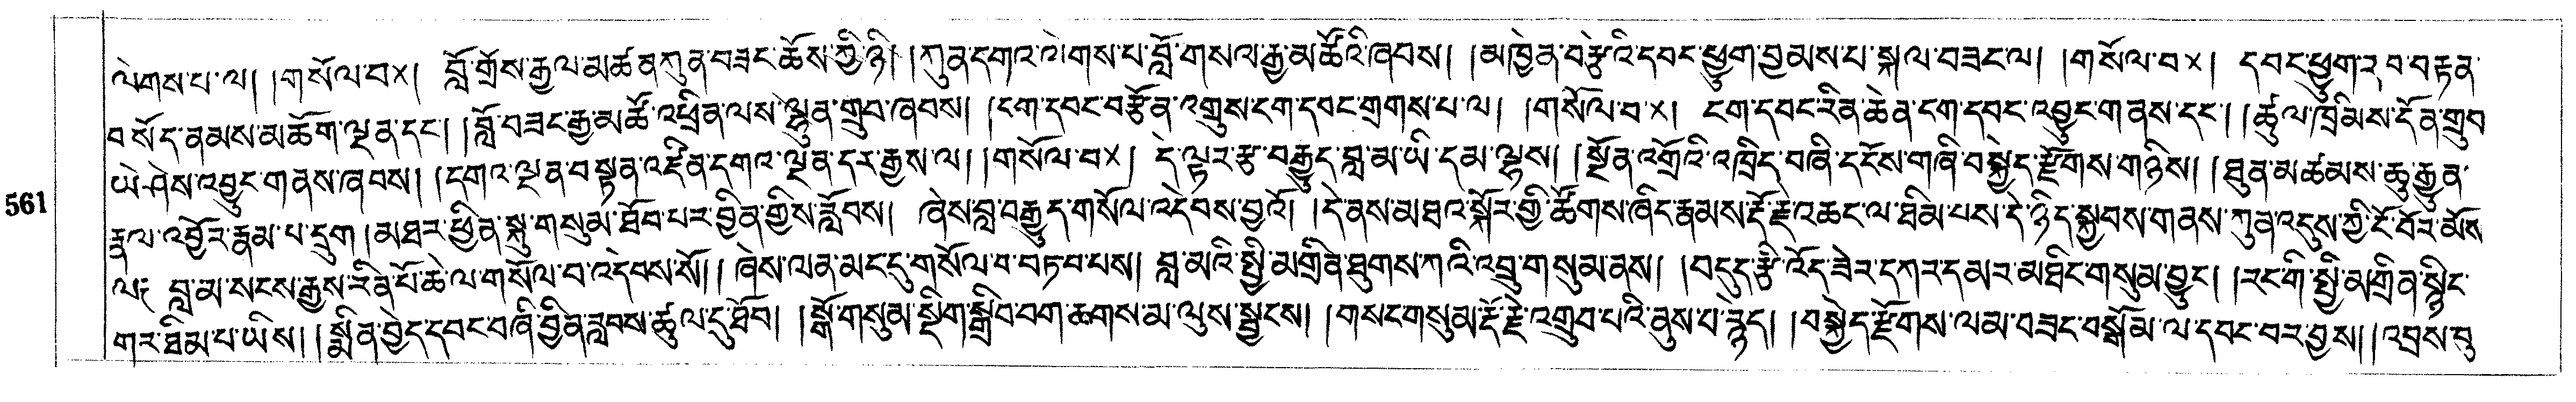ལེགས་པ་ལ། །གསོལ་བ྾། བློ་གྲོས་རྒྱལ་མཚན་ཀུན་བཟང་ཆོས་ཀྱི་ཉི། །ཀུན་དགའ་ལེགས་པ་བློ་གསལ་རྒྱ་མཚོའི་ཞབས། །མཁྱེན་བརྩེའི་དབང་ཕྱུག་བྱམས་པ་སྐལ་བཟང་ལ། །གསོལ་བ྾། དབང་ཕྱུག་རབ་བརྟན་
བསོད་ནམས་མཆོག་ལྡན་དང་། །བློ་བཟང་རྒྱ་མཚོ་འཕྲིན་ལས་ལྷུན་གྲུབ་ཞབས། །ངག་དབང་བརྩོན་འགྲུས་ངག་དབང་གྲགས་པ་ལ། །གསོལ་བ྾། ངག་དབང་རིན་ཆེན་ངག་དབང་འབྱུང་གནས་དང་། །ཚུལ་ཁྲིམས་དོན་གྲུབ་
ཡེ་ཤེས་འབྱུང་གནས་ཞབས། །དགའ་ལྡན་བསྟན་འཛིན་དགའ་ལྡན་དར་རྒྱས་ལ། །གསོལ་བ྾། དེ་ལྟར་རྩ་བརྒྱུད་བླ་མ་ཡི་དམ་ལྷས། །སྔོན་འགྲོའི་འཁྲིད་བཞི་དངོས་གཞི་བསྐྱེད་རྫོགས་གཉིས། །ཐུན་མཚམས་ཆུ་རྒྱུན་
རྣལ་འབྱོར་རྣམ་པ་དྲུག །མཐར་ཕྱིན་སྐུ་གསུམ་ཐོབ་པར་བྱིན་གྱིས་རློབས། ཞེས་བླ་བརྒྱུད་གསོལ་འདེབས་བྱའོ། །དེ་ནས་མཐའ་སྐོར་གྱི་ཚོགས་ཞིང་རྣམས་རྡོ་རྗེ་འཆང་ལ་ཐིམ་པས་དེ་ཉིད་སྐྱབས་གནས་ཀུན་འདུས་ཀྱི་ངོ་བོར་མོས་
ལ༑ བླ་མ་སངས་རྒྱས་རིན་པོ་ཆེ་ལ་གསོལ་བ་འདེབས་སོ། །ཞེས་ལན་མང་དུ་གསོལ་བ་བཏབ་པས། བླ་མའི་སྤྱི་མགྲིན་ཐུགས་ཀའི་འབྲུ་གསུམ་ནས། །བདུད་རྩི་འོད་ཟེར་དཀར་དམར་མཐིང་གསུམ་བྱུང་། །རང་གི་སྤྱི་མགྲིན་སྙིང་
གར་ཐིམ་པ་ཡིས། །སྨིན་བྱེད་དབང་བཞི་བྱིན་རླབས་ཚུལ་དུ་ཐོབ། །སྒོ་གསུམ་སྡིག་སྒྲིབ་བག་ཆགས་མ་ལུས་སྦྱངས། །གསང་གསུམ་རྡོ་རྗེ་འགྲུབ་པའི་ནུས་པ་རྙེད། །བསྐྱེད་རྫོགས་ལམ་བཟང་བསྒོམ་ལ་དབང་བར་བྱས། །འབྲས་བུ་